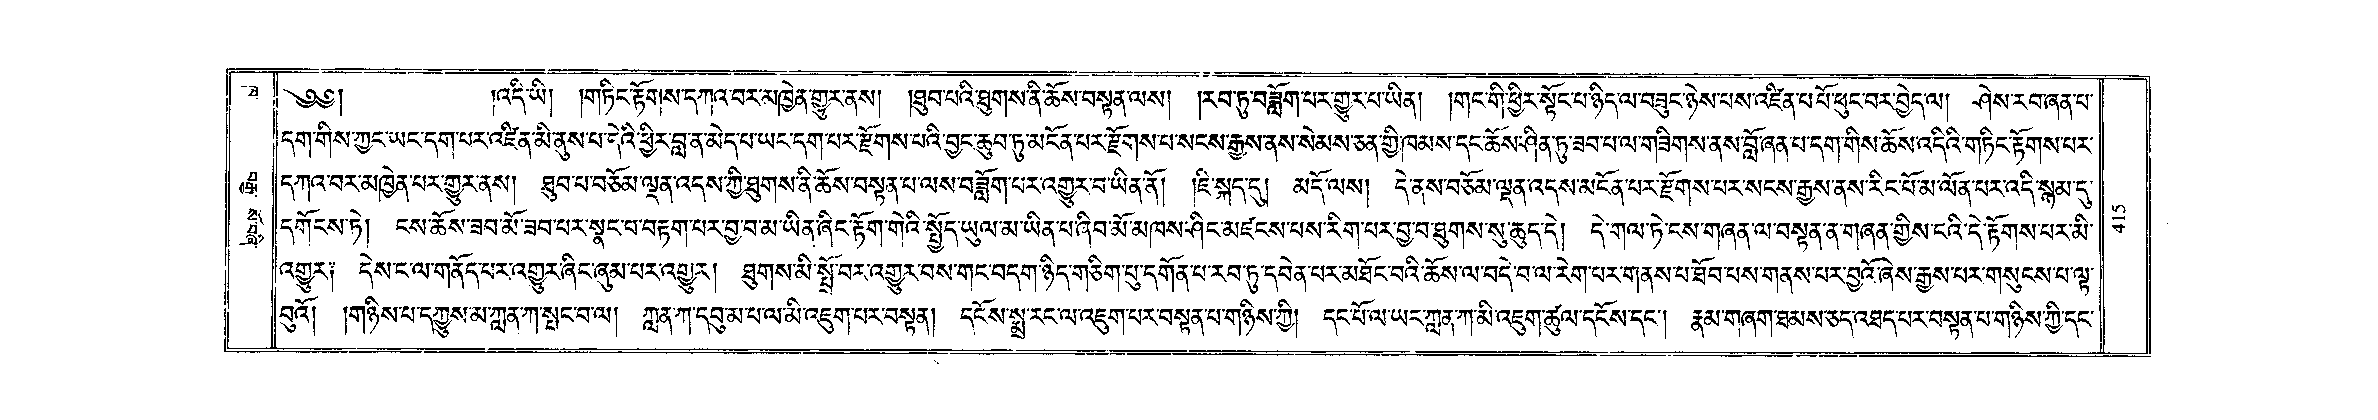༄༅། །འདི་ཡི། །གཏིང་རྟོགས་དཀའ་བར་མཁྱེན་གྱུར་ནས། །ཐུབ་པའི་ཐུགས་ནི་ཆོས་བསྟན་ལས། །རབ་ཏུ་བཟློག་པར་གྱུར་པ་ཡིན། །གང་གི་ཕྱིར་སྟོང་པ་ཉིད་ལ་བཟུང་ཉེས་པས་འཛིན་པ་པོ་ཕུང་བར་བྱེད་ལ། ཤེས་རབ་ཞན་པ་
དག་གིས་ཀྱང་ཡང་དག་པར་འཛིན་མི་ནུས་པ་དེའི་ཕྱིར་བླ་ན་མེད་པ་ཡང་དག་པར་རྫོགས་པའི་བྱང་ཆུབ་ཏུ་མངོན་པར་རྫོགས་པ་སངས་རྒྱས་ནས་སེམས་ཅན་གྱི་ཁམས་དང་ཆོས་ཤིན་ཏུ་ཟབ་པ་ལ་གཟིགས་ནས་བློ་ཞན་པ་དག་གིས་ཆོས་འདིའི་གཏིང་རྟོགས་པར་
དཀའ་བར་མཁྱེན་པར་གྱུར་ནས། ཐུབ་པ་བཅོམ་ལྡན་འདས་ཀྱི་ཐུགས་ནི་ཆོས་བསྟན་པ་ལས་བཟློག་པར་འགྱུར་བ་ཡིན་ནོ། །ཇི་སྐད་དུ། མདོ་ལས། དེ་ནས་བཅོམ་ལྡན་འདས་མངོན་པར་རྫོགས་པར་སངས་རྒྱས་ནས་རིང་པོ་མ་ལོན་པར་འདི་སྙམ་དུ་
དགོངས་ཏེ། ངས་ཆོས་ཟབ་མོ་ཟབ་པར་སྣང་བ་བརྟག་པར་བྱ་བ་མ་ཡིན་ཞིང་རྟོག་གེའི་སྤྱོད་ཡུལ་མ་ཡིན་པ་ཞིབ་མོ་མཁས་ཤིང་མཛངས་པས་རིག་པར་བྱ་བ་ཐུགས་སུ་ཆུད་དེ། དེ་གལ་ཏེ་ངས་གཞན་ལ་བསྟན་ན་གཞན་གྱིས་ངའི་དེ་རྟོགས་པར་མི་
འགྱུར༑ དེས་ང་ལ་གནོད་པར་འགྱུར་ཞིང་ཞུམ་པར་འགྱུར། ཐུགས་མི་སྤྲོ་བར་འགྱུར་བས་གང་བདག་ཉིད་གཅིག་པུ་དགོན་པ་རབ་ཏུ་དབེན་པར་མཐོང་བའི་ཆོས་ལ་བདེ་བ་ལ་རེག་པར་གནས་པ་ཐོབ་པས་གནས་པར་བྱའོ་ཞེས་རྒྱས་པར་གསུངས་པ་ལྟ་
བུའོ། །གཉིས་པ་དཀྱུས་མ་ཀླན་ཀ་སྤང་བ་ལ། ཀླན་ཀ་དབུ་མ་པ་ལ་མི་འཇུག་པར་བསྟན། དངོས་སྨྲ་རང་ལ་འཇུག་པར་བསྟན་པ་གཉིས་ཀྱི། དང་པོ་ལ་ཡང་ཀླན་ཀ་མི་འཇུག་ཚུལ་དངོས་དང་། རྣམ་གཞག་ཐམས་ཅད་འཐད་པར་བསྟན་པ་གཉིས་ཀྱི་དང་